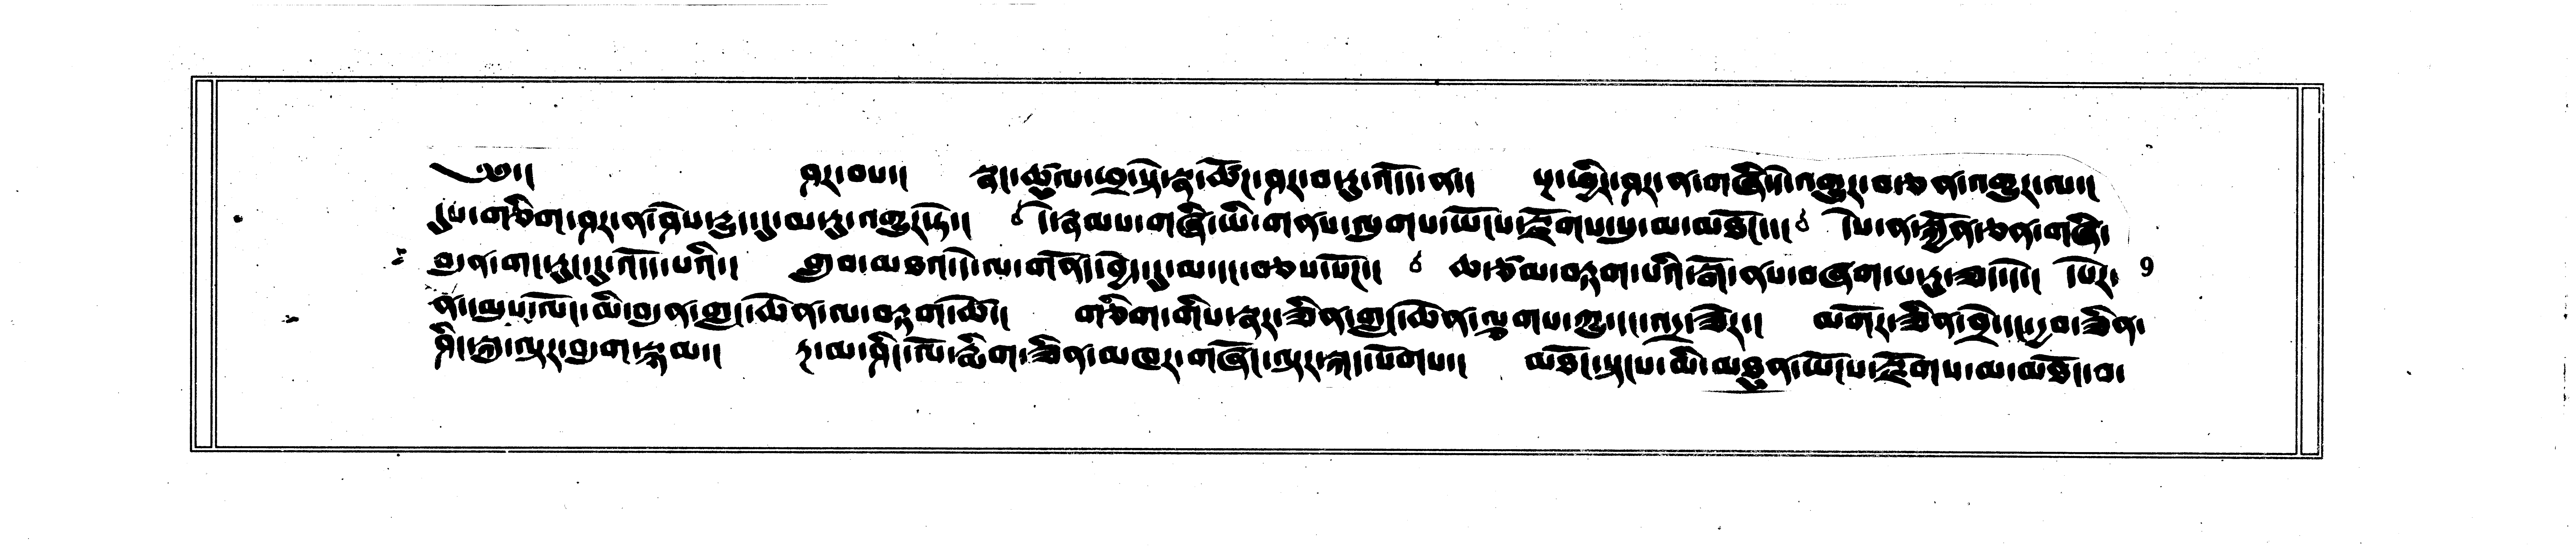ཤར་བས། །སྣང་ཚུལ་ཕྲ་སྟེ་སྣ་ཚོགས་ཤར་བ་རུ་འདོད་ན། །སྔ་ཕྱིར་ཤར་ན་གཞི་དེ་འགྱུར་བ་ཅན་འགྱུར་ལ། 
།དུས་གཅིག་ཤར་ན་ཤེས་རྒྱུད་དུ་མ་རུ་འགྱུར་ཏེ། །དེ་རྣམས་གཞི་ཡི་གནས་ལུགས་ཡོངས་རྫོགས་སུ་མ་མཐོང་། །དེས་ན་སྐྱོན་ཅན་གཞི་
བདུན་གང་རུང་དུ་འདོད་པའི། །གྲུབ་མཐའ་དེ་ལ་གནོད་བྱེད་དུ་མ་དང་བཅས་སོགས། །ཆ་ཙམ་བརྟགས་པའི་སྒོ་ནས་བཞག་པ་རུ་ཟད་དེ། དཔེར་
མ་དམུས་ལོང་མི་བདུན་གླང་ཆེན་ལ་བརྟགས་ཚེ། །གཅིག་གི་སྣར་ཟིན་གླང་ཆེན་ལྕཀྱུ་དང་འདྲ་ཟེར། །མགོར་ཟིན་བྲེ་དང་རྒྱབ་ཟིན་
ཤིང་རྐུ་ལྟར་འདུག་སྙམ། །རྔ་མ་ཤིང་ལོ་རྨིག་ཟིན་མཁར་གཞོང་ལྟར་སྐད་སོགས། །མཐོང་སྟངས་མི་མཐུན་ཡོངས་རྫོགས་མ་མཐོང་བ་